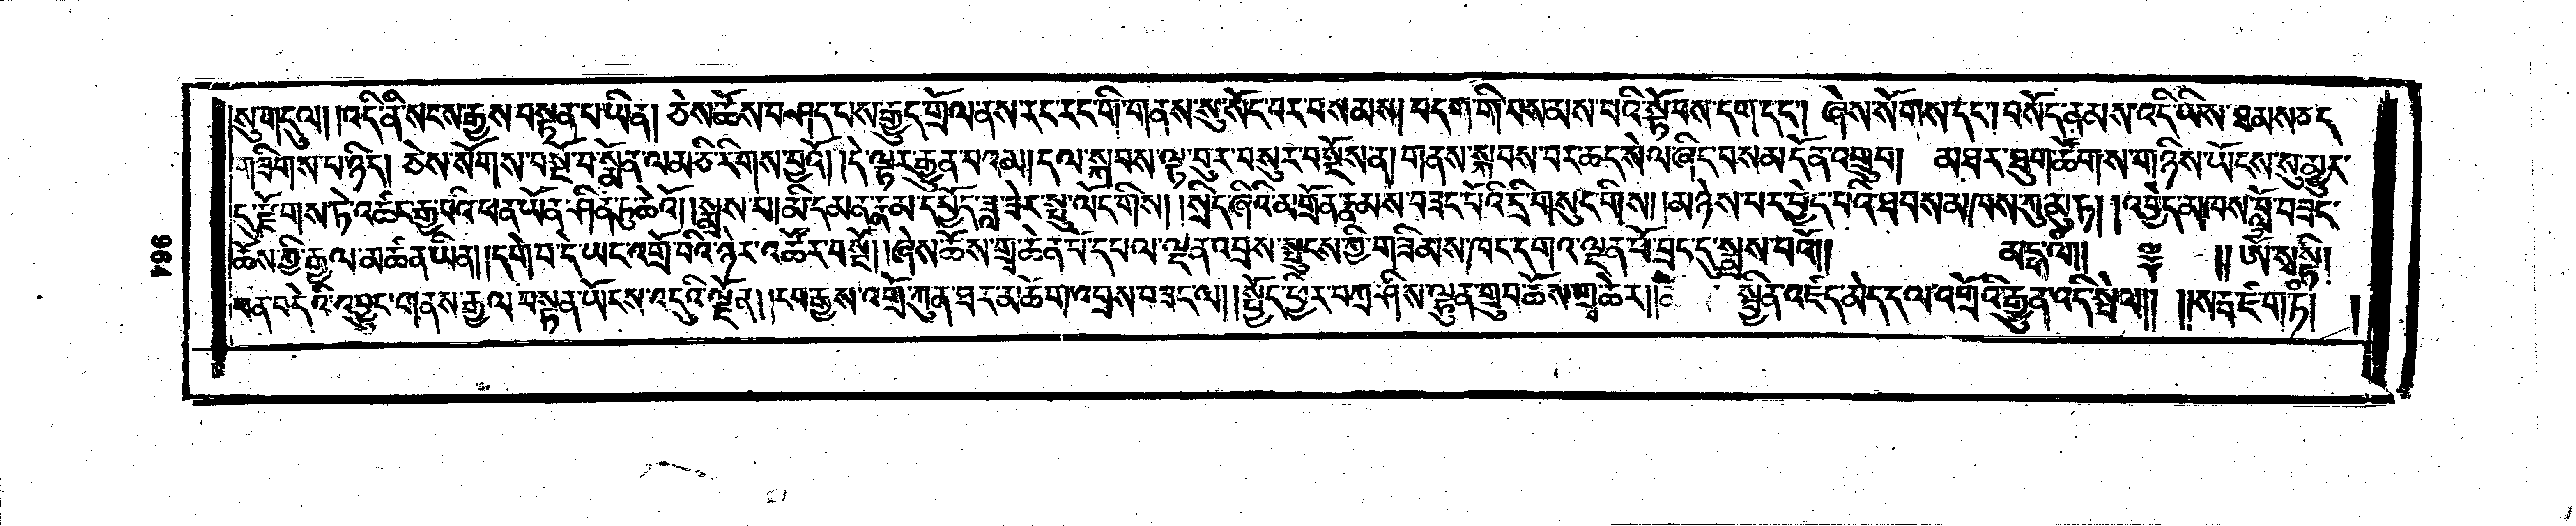སུ་གདུལ། །འདི་ནི་སངས་རྒྱས་བསྟན་པ་ཡིན། ཅེས་ཆོས་བཤད་པས་རྒྱུད་གྲོལ་ནས་རང་རང་གི་གནས་སུ་སོང་བར་བསམས། བདག་གི་བསམས་པའི་སྟོབས་དག་དང་། ཞེས་སོགས་དང་། བསོད་ནམས་འདི་ཡིས་ཐམས་ཅད་
གཟིགས་པ་ཉིད། ཅེས་སོགས་བསྔོ་བ་སྨོན་ལམ་ཅི་རིགས་བྱའོ། །དེ་ལྟར་རྒྱུན་པའམ། དལ་སྐབས་ལྟ་བུར་བསུར་བསྔོས་ན། གནས་སྐབས་བར་ཆད་སེལ་ཞིང་བསམ་དོན་འགྲུབ། མཐར་ཐུག་ཚོགས་གཉིས་ཡོངས་སུ་མྱུར་
དུ་རྫོགས་ཏེ་འཚང་རྒྱ་བའི་ཕན་ཡོན་ཤིན་ཏུ་ཆེའོ། །སྨྲས་པ། མི་དམན་རྣམ་དཔྱོད་ཟླ་ཟེར་སྤུ་ལོང་གིས། །སྲིད་ཞིའི་མགྲོན་རྣམས་བཟང་པོའི་དྲི་གསུང་གིས། །མཉེས་པར་བྱེད་པའི་ཐབས་མཁས་ཀུ་མུ་ཏ། །འབྱེད་མཁས་བློ་བཟང་
ཆོས་ཀྱི་རྒྱལ་མཚན་ཡིན། །དགེ་བ་དེ་ཡང་འགྲོ་བའི་ཉེར་འཚོར་བསྔོ། །ཞེས་ཆོས་གྲྭ་ཆེན་པོ་དཔལ་ལྡན་འབྲས་སྤུངས་ཀྱི་གཟིམས་ཁང་དགའ་ལྡན་ཕོ་བྲང་དུ་སྨྲས་པའོ།། མངྒ་ལཾ།། ༈ །།ཨོཾ་སྭསྟི།
ཕན་བདེའི་འབྱུང་གནས་རྒྱལ་བསྟན་ཡོངས་འདུའི་ལྗོན། །རབ་རྒྱས་འགྲོ་ཀུན་ཐར་མཆོག་འབྲས་བཟང་ལ། །སྤྱོད་ཕྱིར་བཀྲ་ཤིས་ལྷུན་གྲུབ་ཆོས་གྲྭ་ཆེར། །ཆོས་སྦྱིན་འཛད་མེད་དལ་འགྲོའི་རྒྱུན་འདི་སྤེལ།། །།སརྦ་ཛ་ག་ཏཾ། །